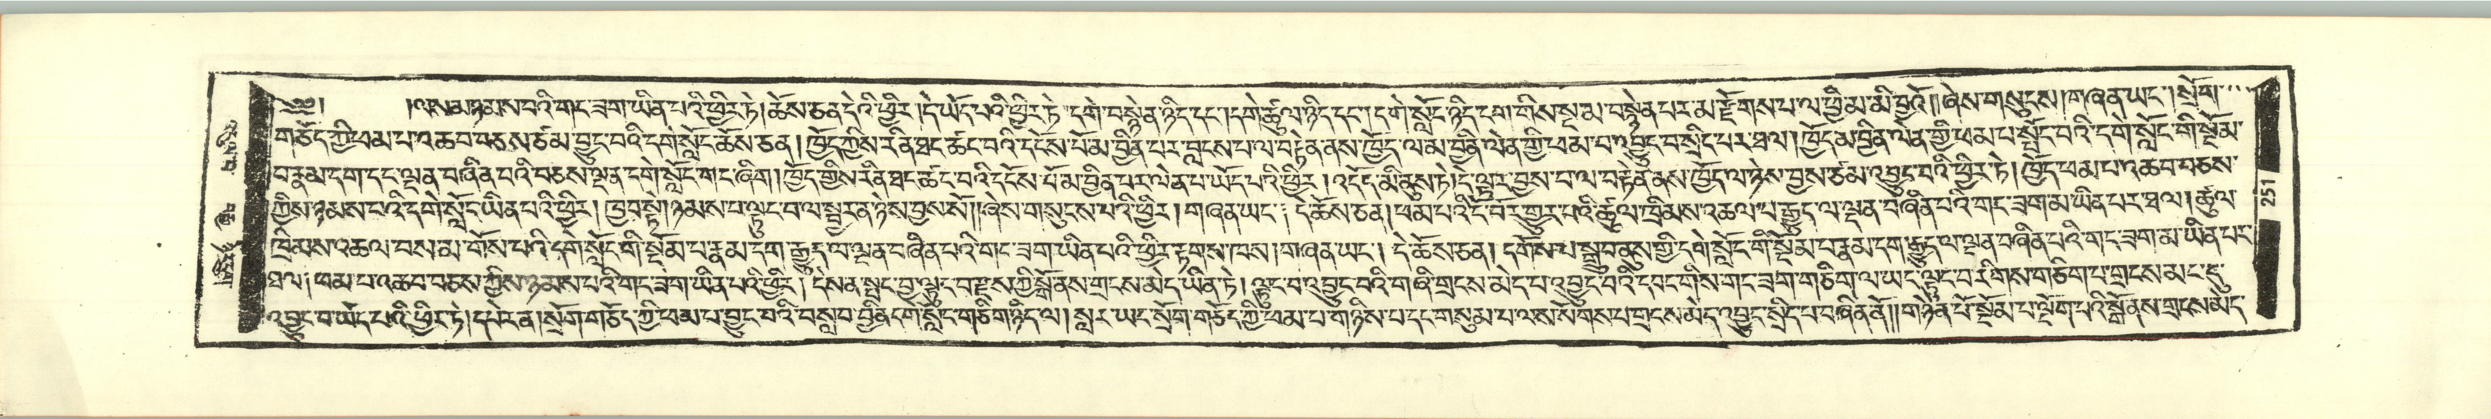༄༅། །ལས་མཉམས་པའི་གང་ཟག་ཡིན་པའི་ཕྱིར་ཏེ། ཆོས་ཅན་དེའི་ཕྱིར། དེ་ཡོད་པའི་ཕྱིར་ཏེ། དགེ་བསྙེན་ཉིད་དང་། དགེ་ཚུལ་ཉིད་དང་། དགེ་སློང་ཉིད་དག་གིས་སྔ་མ་བསྙེན་པར་མ་རྫོགས་པ་ལ་ཕྱི་མ་མི་བྱའོ། །ཞེས་གསུངས། གཞན་ཡང་། སྲོག་
གཅོད་ཀྱི་ཕམ་པ་འཆབ་བཅས་ཙམ་བྱུང་བའི་དགེ་སློང་ཆོས་ཅན། ཁྱོད་ཀྱིས་རིན་ཐང་ཚང་བའི་དངོས་པོ་མ་བྱིན་པར་བླངས་པ་ལ་བརྟེན་ནས་ཁྱོད་ལ་མ་བྱིན་ལེན་གྱི་ཕམ་བ་འབྱུང་བ་སྲིད་པར་ཐལ། ཁྱོད་མ་བྱིན་ལེན་གྱི་ཕམ་པ་སྤོང་པའི་དགེ་སློང་གི་སྡོམ་
བ་རྣམ་དག་དང་ལྡན་བཞིན་པའི་བཅས་ལྡན་དགེ་སློང་གང་ཞིག །ཁྱོད་གྱིས་རིན་ཐང་ཚང་བའི་དངོས་པོ་མ་བྱིན་པར་ལེན་པ་ཡོད་པའི་ཕྱིར། འདོད་མི་ནུས་ཏེ། དེ་ལྟར་བྱས་པ་ལ་བརྟེན་ནས་ཁྱོད་ལ་ཉེས་བྱས་ཙམ་འབྱུང་བའི་ཕྱིར་ཏེ། ཁྱོད་ཕམ་པ་འཆབ་བཅས་
ཀྱིས་ཉམས་པའི་དགེ་སློང་ཡིན་པའི་ཕྱིར། ཁྱབ་སྟེ། ཉམས་པ་ལྟུང་བ་ལ་སྦྱར་ན་ཉེས་བྱས་སོ། །ཞེས་གསུངས་པའི་ཕྱིར། གཞན་ཡང་། དེ་ཆོས་ཅན། ཕམ་པའི་ངོ་བོར་གྱུར་པའི་ཚུལ་ཁྲིམས་འཆལ་པ་རྒྱུད་ལ་ལྡན་བཞིན་པའི་གང་ཟག་མ་ཡིན་པར་ཐལ། ཚུལ་
ཁྲིམས་འཆལ་བས་མ་གོས་པའི་དགེ་སློང་གི་སྡོམ་པ་རྣམ་དག་རྒྱུད་ལ་ལྡན་བཞིན་པའི་གང་ཟག་ཡིན་པའི་ཕྱིར་རྟགས་ཁས། གཞན་ཡང་། དེ་ཆོས་ཅན། དགོས་པ་སྒྲུབ་ནུས་གྱི་དགེ་སློང་གི་སྡོམ་པ་རྣམ་དག་རྒྱུད་ལ་ལྡན་བཞིན་པའི་གང་ཟག་མ་ཡིན་པར་
ཐལ། ཕམ་པ་འཆབ་བཅས་ཀྱིས་ཉམས་པའི་གང་ཟག་ཡིན་པའི་ཕྱིར། དེས་ན་སྤང་བྱ་ལྟུང་བ་རྫས་ཀྱི་སྒོ་ནས་གྲངས་མེད་ཡིན་ཏེ། ལྟུང་བ་འབྱུང་བའི་གཞི་གྲངས་མེད་པ་འབྱུང་བའི་དབང་གིས་གང་ཟག་གཅིག་ལ་ཡང་ལྟུང་བ་རིགས་གཅིག་པ་གྲངས་མང་དུ་
འབྱུང་བ་ཡོད་པའི་ཕྱིར་ཏེ། དཔེར་ན། སྲོག་གཅོད་ཀྱི་ཕམ་པ་བྱུང་བའི་བསླབ་བྱིན་དགེ་སློང་གཅིག་ཉིད་ལ། སླར་ཡང་སྲོག་གཅོད་ཀྱི་ཕམ་པ་གཉིས་པ་དང་གསུམ་པ་ལས་སོགས་པ་གྲངས་མེད་འབྱུང་སྲིད་པ་བཞིན་ནོ། །གཉེན་པོ་སྡོམ་པ་ལྡོག་པའི་སྒོ་ནས་གྲངས་མེད་